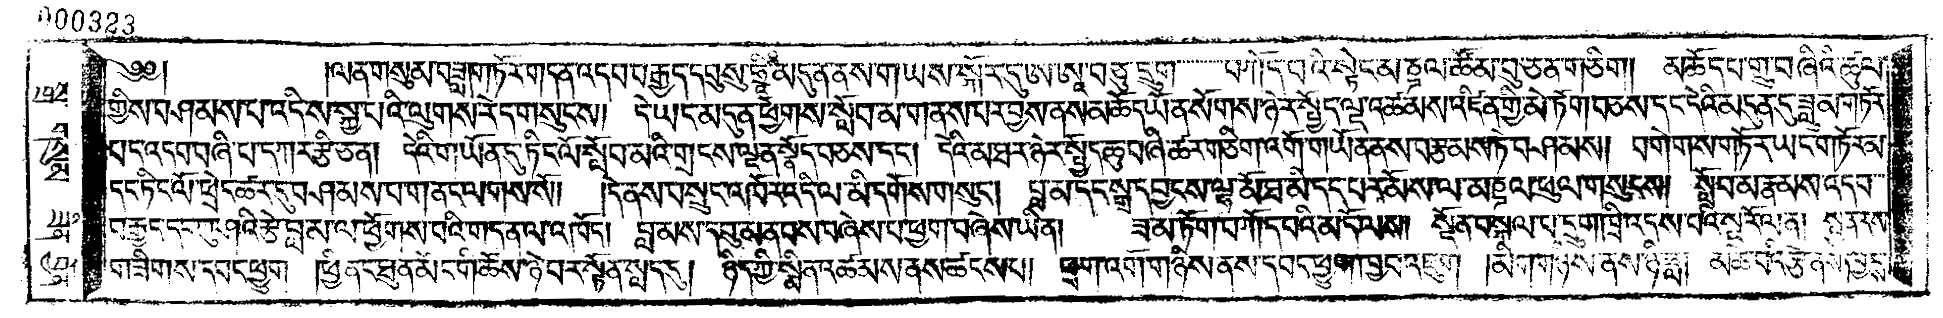༄༅། །ལན་གསུམ་བཟླ་གཏོར་གདན་འདབ་བརྒྱད་དབུས་སུ་ཧྲཱིཾ་མདུན་ནས་གཡས་སྐོར་དུ་ཨ་ཨཱ་བཅུ་དྲུག་བཀོད་པའི་སྟེང་མཎྜལ་ཚོམ་བུ་ཅན་གཅིག །མཆོད་པ་གྲུ་བཞིའི་ཚུལ་
གྱིས་བཤམས་པ་འདི་ས་སྐྱ་པའི་ལུགས་རེད་གསུངས། དེ་ཡང་མདུན་ཕྱོགས་སློབ་མ་གནས་པར་བྱས་ནས་མཆོད་ཡོན་སོགས་ཉེར་སྤྱོད་ལྔ་འཚམས་འཛིན་གྱི་མེ་ཏོག་བཅས་དང་དེའི་མདུན་དུ་ཟླུམ་གཏོར་
པད་འདབ་བཞི་པ་དཀར་རྩི་ཅན། དེའི་གཡོན་དུ་ཏིང་ལོ་སློབ་མའི་གྲངས་ལྡན་སྣོད་བཅས་དང་། དེའི་མཐར་ཉེར་སྤྱོད་ཆུ་བཞི་ཚར་གཅིག་འགོ་གཡོན་ནས་བརྩམས་ཏེ་བཤམས། བགེགས་གཏོར་ཡང་གཏོར་མ་
དང་ཏིང་ལོ་ཕྲེང་ཚར་དུ་བཤམས་པ་གནང་ལགས་སོ། །དེ་ནས་བསྲུང་འཁོར་འདི་ལ་མི་དགོས་གསུང་། བླ་མ་དང་སྒྲ་དབྱངས་ལྷ་མོ་ཐ་མི་དད་པར་མོས་ལ་མཎྜལ་ཕུལ་གསུངས། སློབ་མ་རྣམས་འདབ་
བརྒྱད་དང་ཀུ་ཤའི་རྩེ་བླ་མ་ལ་ཕྱོགས་པའི་གདན་ལ་འཁོད། བླ་མས་དབུ་མན་བས་བཞེས་པ་ཕྱག་བཞེས་ཡིན། ཟ་མ་ཏོག་བཀོད་པའི་མདོ་ལས། སྔོན་བསྐལ་པ་དྲུག་ཁྲི་འདས་པའི་སྔ་རོལ་ན། སྤྱན་རས་
གཟིགས་དབང་ཕྱུག །ཕྱི་ནང་ཐུན་མོང་གི་ཆོས་ཉེ་བར་སྟོན་སླད་དུ། ཉིད་ཀྱི་སྨིན་འཚམས་ནས་ཚངས་པ། ཕྲག་འགོ་གཉིས་ནས་དབང་ཕྱུག་ཁྱབ་འཇུག །མིག་གཉིས་ནས་ཉི་ཟླ། མཆེ་བའི་རྩེ་ནས་དབྱངས་